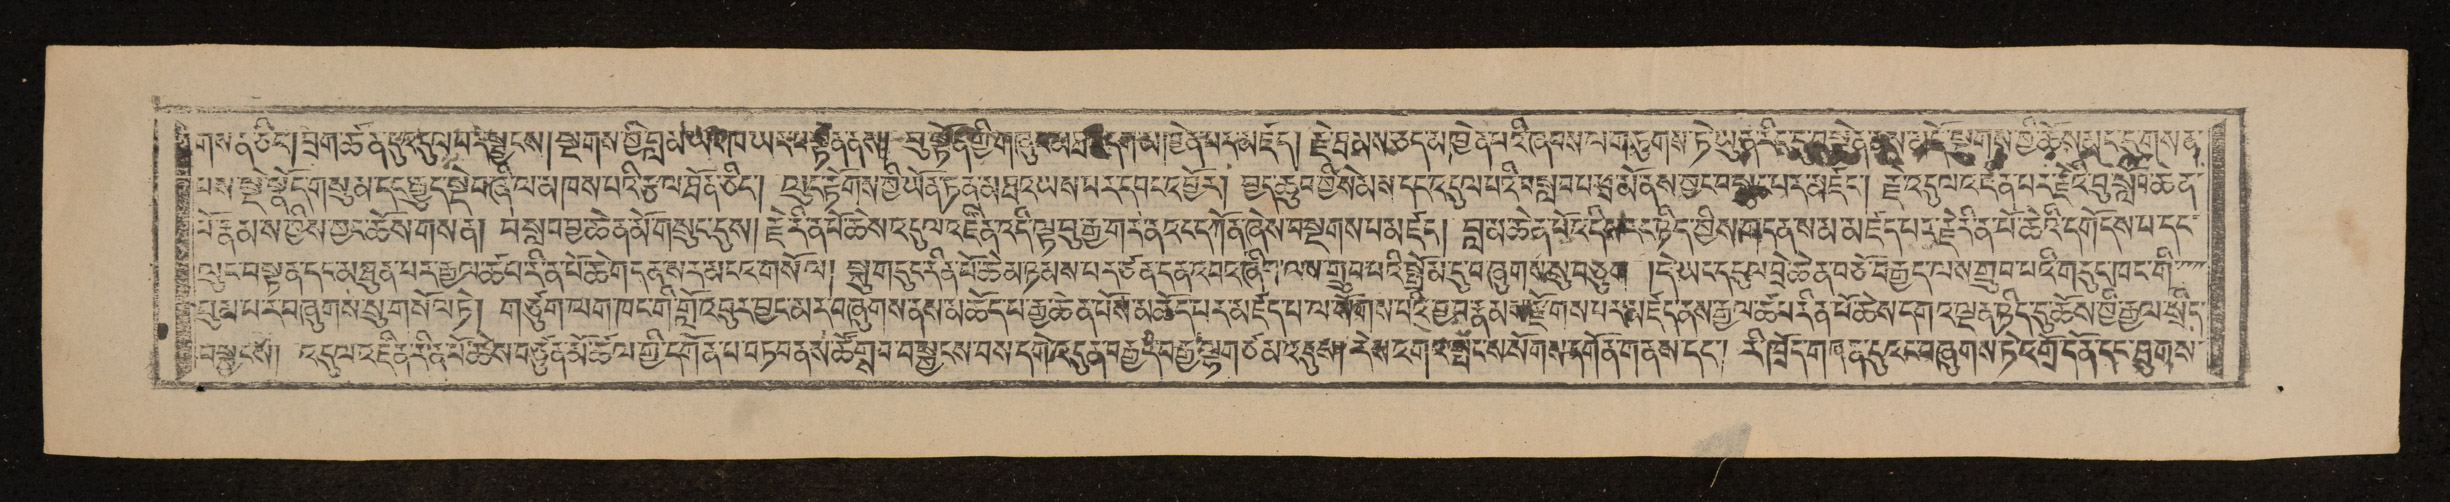གསན་ཅིང་། བྲག་ཚན་དུ་འདུལ་བར་སྦྱངས། སྔགས་ཀྱི་བླ་མ་ཡང་ཁ་ཡང་བསྟེན་ནས། བུ་སྟོན་གྱི་གཞུང་མཐའ་དག་མཁྱེན་པར་མཛད། རྗེ་ཐམས་ཅད་མཁྱེན་པའི་ཞབས་ལ་གཏུགས་ཏེ་ཡུན་རིང་དུ་བསྟེན་ནས་མདོ་སྔགས་ཀྱི་ཆོས་མང་དུ་གསན་
པས་སྡེ་སྣོད་གསུམ་དང་རྒྱུད་སྡེ་བཞི་ལ་མཁས་པའི་རྩལ་ཐོན་ཅིང་། ལུང་རྟོགས་ཀྱི་ཡོན་ཏན་མཐའ་ཡས་པར་དབང་འབྱོར། བྱང་ཆུབ་ཀྱི་སེམས་དང་འདུལ་བའི་བསླབ་པ་ཕྲ་མོ་ནས་ཀྱང་བསྲུང་བར་མཛད། རྗེ་འདུལ་འཛིན་པར་རྗེའི་བུ་སློབ་ཆེན་
པོ་རྣམས་ཀྱིས་ཀྱང་ཆོས་གསན། བསླབ་བྱ་ཆེན་མོ་གསུང་དུས། རྗེ་རིན་པོ་ཆེས་འདུལ་འཛིན་འདི་ལྟ་བུ་རྒྱ་གར་ནའང་དཀོན་ཞེས་བསྔགས་པ་མཛད། བླ་མ་ཆེན་པོ་འདིས་རང་ཉིད་ཀྱིས་གདན་ས་མ་མཛད་པར་རྗེ་རིན་པོ་ཆེའི་དགོངས་པ་དང་
ལུང་བསྟན་དང་མཐུན་པར་རྒྱལ་ཚབ་རིན་པོ་ཆེ་གདན་སར་མངའ་གསོལ། སྐུ་གདུང་རིན་པོ་ཆེ་མཉམས་པར་ཙན་དན་འབའ་ཞིག་ལས་གྲུབ་པའི་སྒྲོམ་དུ་བཞུགས་སུ་བཅུག །དེ་ཡང་དངུལ་བྲེ་ཆེན་བཅོ་བརྒྱད་ལས་གྲུབ་པའི་གདུང་ཁང་གི་
བུམ་པར་བཞུགས་སུ་གསོལ་ཏེ། གཙུག་ལག་ཁང་གི་གློ་འབུར་བྱང་མར་བཞུགས་ནས་མཆོད་པ་རྒྱ་ཆེན་པོས་མཆོད་པར་མཛད་པ་ལ་སོགས་པའི་བྱ་བ་རྣམས་རྫོགས་པར་མཛད་ནས་རྒྱལ་ཚབ་རིན་པོ་ཆེས་དགའ་ལྡན་ཉིད་དུ་ཆོས་ཀྱི་རྒྱལ་སྲིད་
བསྐྱངས། འདུལ་འཛིན་རིན་པོ་ཆེས་བཙུན་མོ་ཚལ་གྱི་དགོན་པ་བཏབ་ནས་ཚོགས་པ་བསྐྱངས་བས་དགེ་འདུན་བརྒྱད་བརྒྱ་ལྷག་ཙམ་འདུས། རེས་འགའ་སྤངས་སོགས་དགོན་གནས་དང་། རི་ཁྲོད་གཞན་དུའང་བཞུགས་ཏེ་འགྲོ་དོན་དང་ཐུགས་